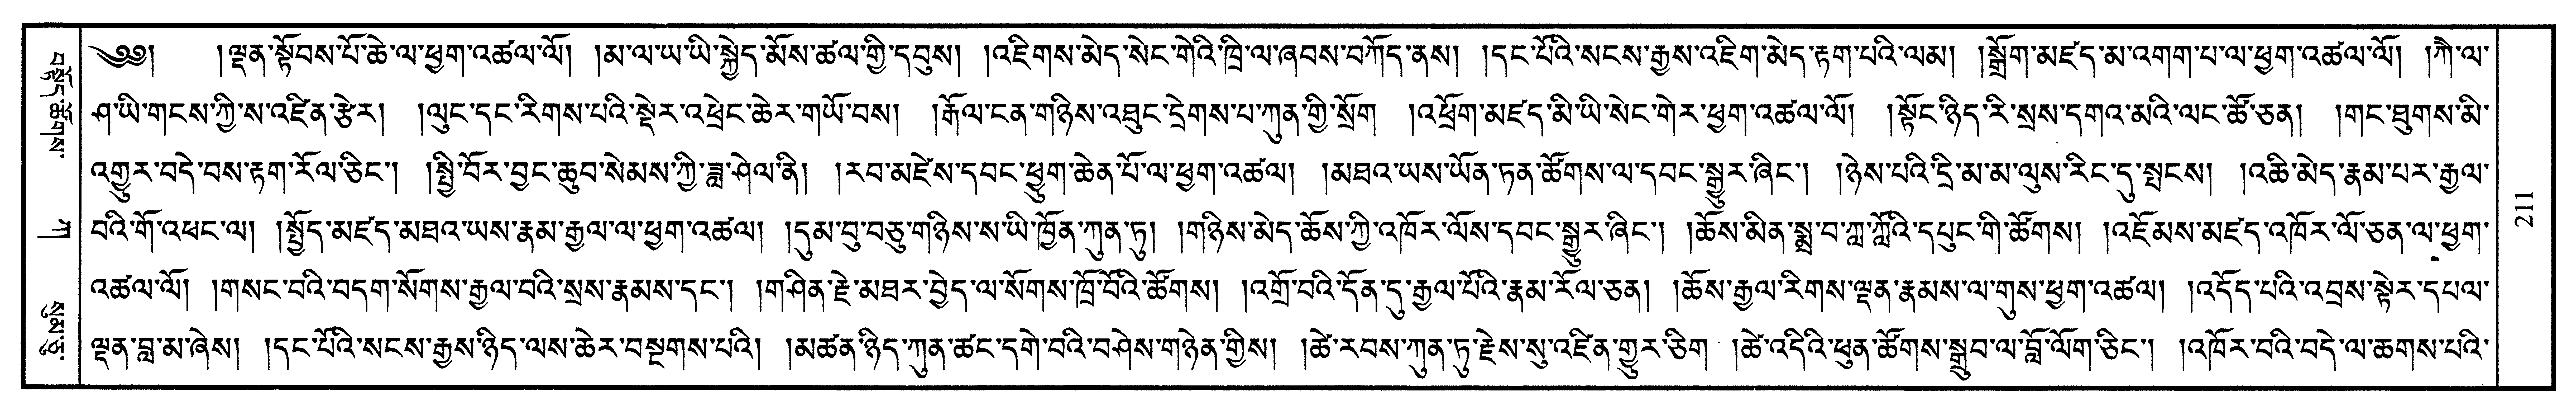༄༅། །ལྡན་སྟོབས་པོ་ཆེ་ལ་ཕྱག་འཚལ་ལོ། །མ་ལ་ཡ་ཡི་སྐྱེད་མོས་ཚལ་གྱི་དབུས། །འཇིགས་མེད་སེང་གེའི་ཁྲི་ལ་ཞབས་བཀོད་ནས། །དང་པོའི་སངས་རྒྱས་འཇིག་མེད་རྟག་པའི་ལམ། །སྒྲོག་མཛད་མ་འགག་པ་ལ་ཕྱག་འཚལ་ལོ། །ཀཻ་ལ་
ཤ་ཡི་གངས་ཀྱི་ས་འཛིན་རྩེར། །ལུང་དང་རིགས་པའི་སྡེར་འཕྲེང་ཆེར་གཡོ་བས། །རྒོལ་ངན་གཉིས་འཐུང་དྲེགས་པ་ཀུན་གྱི་སྲོག །འཕྲོག་མཛད་མི་ཡི་སེང་གེར་ཕྱག་འཚལ་ལོ། །སྟོང་ཉིད་རི་སྲས་དགའ་མའི་ལང་ཚོ་ཅན། །གང་ཐུགས་མི་
འགྱུར་བདེ་བས་རྟག་རོལ་ཅིང་། །སྤྱི་བོར་བྱང་ཆུབ་སེམས་ཀྱི་ཟླ་ཤེལ་ནི། །རབ་མཛེས་དབང་ཕྱུག་ཆེན་པོ་ལ་ཕྱག་འཚལ། །མཐའ་ཡས་ཡོན་ཏན་ཚོགས་ལ་དབང་སྒྱུར་ཞིང་། །ཉེས་པའི་དྲི་མ་མ་ལུས་རིང་དུ་སྤངས། །འཆི་མེད་རྣམ་པར་རྒྱལ་
བའི་གོ་འཕང་ལ། །སྤྱོད་མཛད་མཐའ་ཡས་རྣམ་རྒྱལ་ལ་ཕྱག་འཚལ། །དུམ་བུ་བཅུ་གཉིས་ས་ཡི་ཁྱོན་ཀུན་ཏུ། །གཉི་མེད་ཆོས་ཀྱི་འཁོར་ལོས་དབང་སྒྱུར་ཞིང་། །ཆོས་མིན་སྨྲ་བ་ཀླ་ཀློའི་དཔུང་གི་ཚོགས། །འཇོམས་མཛད་འཁོར་ལོ་ཅན་ལ་ཕྱག་
འཚལ་ལོ། །གསང་བའི་བདག་སོགས་རྒྱལ་བའི་སྲས་རྣམས་དང་། །གཤིན་རྗེ་མཐར་བྱེད་ལ་སོགས་ཁྲོ་བོའི་ཚོགས། །འགྲོ་བའི་དོན་དུ་རྒྱལ་པོའི་རྣམ་རོལ་ཅན། །ཆོས་རྒྱལ་རིགས་ལྡན་རྣམས་ལ་གུས་ཕྱག་འཚལ། །འདོད་པའི་འབྲས་སྟེར་དཔལ་
ལྡན་བླ་མ་ཞེས། །དང་པོའི་སངས་རྒྱས་ཉིད་ལས་ཆེར་བསྔགས་པའི། །མཚན་ཉིད་ཀུན་ཚང་དགེ་བའི་བཤེས་གཉེན་གྱིས། ཚེ་རབས་ཀུན་ཏུ་རྗེས་སུ་འཛིན་གྱུར་ཅིག །ཚེ་འདིའི་ཕུན་ཚོགས་སྒྲུབ་ལ་བློ་ལོག་ཅིང་། །འཁོར་བའི་བདེ་ལ་ཆགས་པའི་